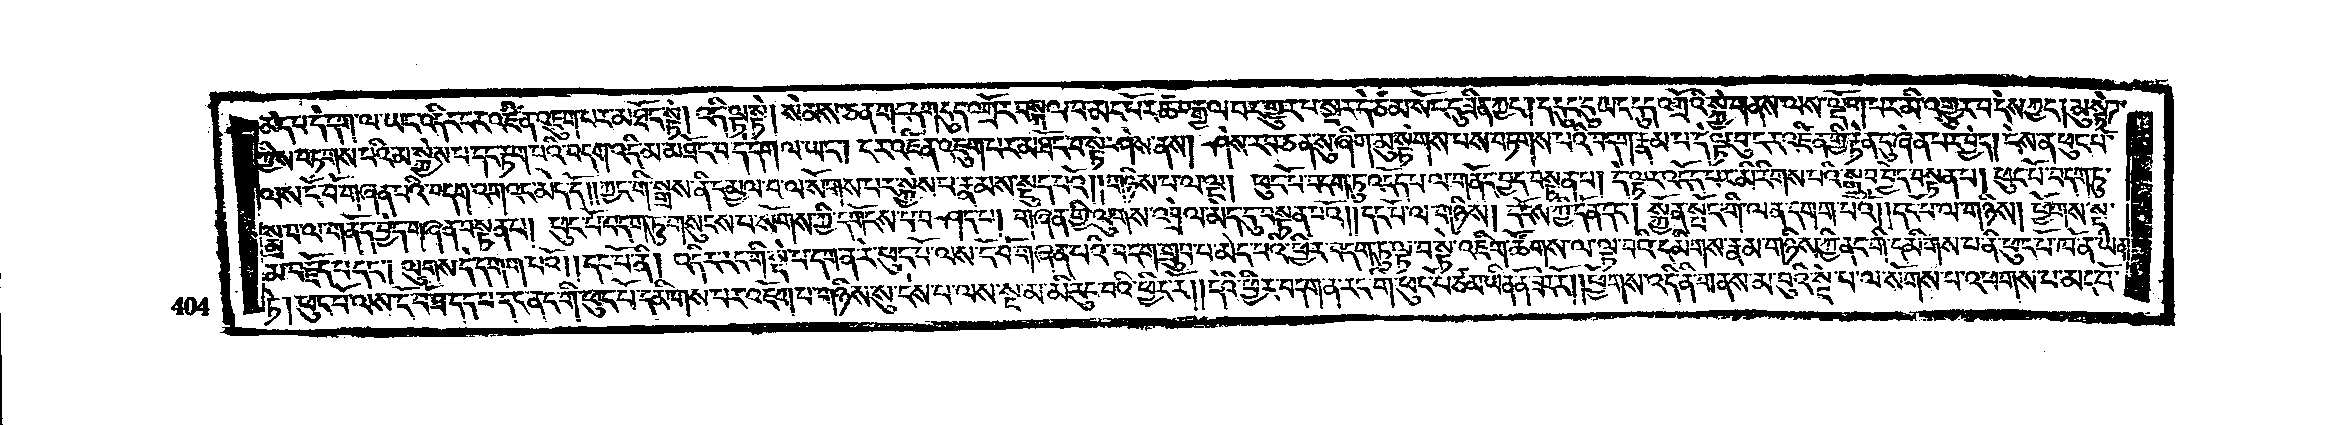མེད་པ་དེ་དག་ལ་ཡང་འདིར་ངར་འཛིན་འཇུག་པར་མཐོང་སྟེ། འདི་ལྟ་སྟེ། སེམས་ཅན་གང་དག་དུད་འགྲོར་བསྐལ་བ་མང་པོར་ཚོ་བརྒྱལ་བར་གྱུར་པ་སྔར་དེ་ཙམ་སོང་དུ་ཟིན་ཀྱང་། ད་དུང་དུ་ཡང་དུད་འགྲོའི་སྐྱེ་གནས་ལས་ལྡོག་པར་མི་འགྱུར་བ་དེས་ཀྱང་། མུ་སྟེགས་
ཀྱིས་བཏགས་པའི་མ་སྐྱེས་པ་དང་རྟག་པའི་བདག་འདི་མ་མཐོང་བ་དེ་དག་ལ་ཡང་། ངར་འཛིན་འཇུག་པར་མཐོང་བ་སྟེ་ཤེས་ནས། ཤེས་རབ་ཅན་སུ་ཞིག་མུ་སྟེགས་པས་བཏགས་པའི་བདག་རྣམ་པ་དེ་ལྟ་བུ་ངར་འཛིན་གྱི་རྟེན་དུ་ཞེན་པར་བྱེད། དེས་ན་ཕུང་པོ་
ལས་ངོ་བོ་གཞན་པའི་བདག་འགའང་མེད་དོ། །ཀྱང་གི་སྒྲས་ནི་དམྱལ་བ་ལ་སོགས་པར་སྐྱེས་པ་རྣམས་སྡུད་པའོ། །གཉིས་པ་ལ་ལྔ། ཕུང་པོ་བདག་ཏུ་འདོད་པ་ལ་གནོད་བྱད་བསྟན་པ། དེ་ལྟར་འདོད་པར་མི་རིགས་པའི་སྒྲུབ་བྱེད་བསྟན་པ་ཕུང་པོ་བདག་ཏུ་
སྨྲ་བ་ལ་གནོད་བྱེད་གཞན་བསྟན་པ། ཕུང་པོ་བདག་ཏུ་གསུངས་པ་སོགས་ཀྱི་དགོངས་པ་བཤད་པ། གཞན་གྱི་ལུགས་འབྲེལ་མེད་དུ་བསྟན་པའོ། །དང་པོ་ལ་གཉིས། དངོས་ཀྱི་དོན་དང་། སྐྱོན་སྤོང་གི་ལན་དགག་པའོ། །དང་པོ་ལ་གཉིས། ཕྱོགས་སྔ་
མ་བརྗོད་པ་དང་། ལུགས་དེ་དགག་པའོ། །དང་པོ་ནི། འདིར་རང་གི་སྡེ་པ་དག་ན་རེ་ཕུང་པོ་ལས་ངོ་བོ་གཞན་པའི་བདག་གྲུབ་པ་མེད་པའི་ཕྱིར་བདག་ཏུ་ལྟ་བ་སྟེ་འཇིག་ཚོགས་ལ་ལྟ་བའི་དམིགས་རྣམ་གཉིས་ཀྱི་ནང་གི་དམིགས་པ་ནི་ཕུང་པོ་ཁོ་ན་ཡིན་
ཏེ། ཕུང་པོ་ལས་ངོ་བོ་ཐ་དད་པ་དང་ནང་གི་ཕུང་པོ་དམིགས་པར་འཇོག་པ་གཉིས་སུ་ངེས་པ་ལས་སྔ་མ་མི་རུང་བའི་ཕྱིར་རོ། །དེའི་ཕྱིར་བདག་ནི་རང་གི་ཕུང་པོ་ཙམ་ཡིན་ནོ་ཟེར་རོ། །ཕྱོགས་འདི་ནི་གནས་མ་བུའི་སྡེ་པ་ལ་སོགས་པ་འཕགས་པ་མང་པོ་